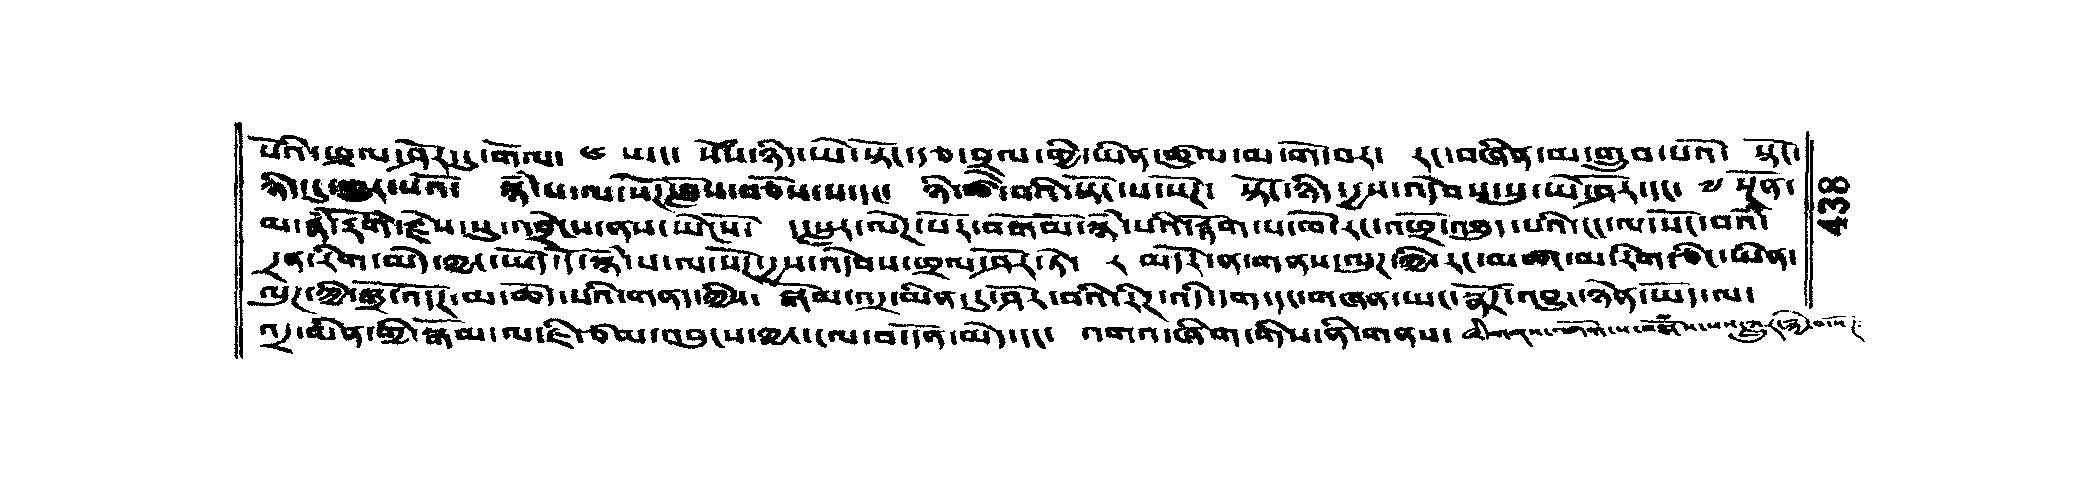པོའི་ཕྲལ་ཤོར་དུ་གོལ། ཡང་། སེམས་ཉིད་ཡེ་སྟོང་རྩ་བྲལ་གྱི་ཡིན་ཚུལ་མ་གོ་བར། རང་བཞིན་མ་གྲུབ་པའོ། སྟོང་
ཉིད་དུ་གྱུར་པའོ། སྙམ་པ་ལ་སོགས་བློས་བཅོས་པ་དང་། ཉི་ཚེ་བའི་སྟོང་པ་སོགས། སྟོང་ཉིད་རྒྱས་འདེབས་སུ་ཡེ་ཤོར་དང་། སྔོན་
མ་རྣམ་རྟོག་གི་རྗེས་སུ་འབྲེངས་ནས་ཡེངས་སོ། ད་སླར་ལེགས་པོར་བསྒོམ་མོ་སྙམ་པའི་རྟོག་པ་ཁོ་རང་འཕྲོ་འཐུད་པའི་ངང་ལས་སོང་བའམ་
དྲན་རིག་མེད་ཀྱང་ཡོད་དོ་སྙམ་པ་ལ་སོགས་རྒྱས་འདེབས་ཕྲལ་ཤོར་ཏེ། མདོར་ན་གནས་ལུགས་ཀྱི་རང་མཚང་མ་རིག་ཅིང་ཡིན་
ལུགས་ཀྱི་སྒྲོ་འདོགས་མ་ཆོད་པའི་གནད་ཀྱིས། སྒོམ་འདྲ་མིན་དུ་ཤོར་བའི་རིགས་འདི་དག་དང་གཞན་ཡང་སྣ་ཚོགས་འབྱུང་ཉེན་ཡོད་ལ་
འདྲ་མིན་གྱི་སྒོམ་ལ་ཇི་ཙམ་འབུངས་ཀྱང་ངལ་བ་དོན་མེད་དང་། འགའ་ཞིག་གིས་ནི་གནས